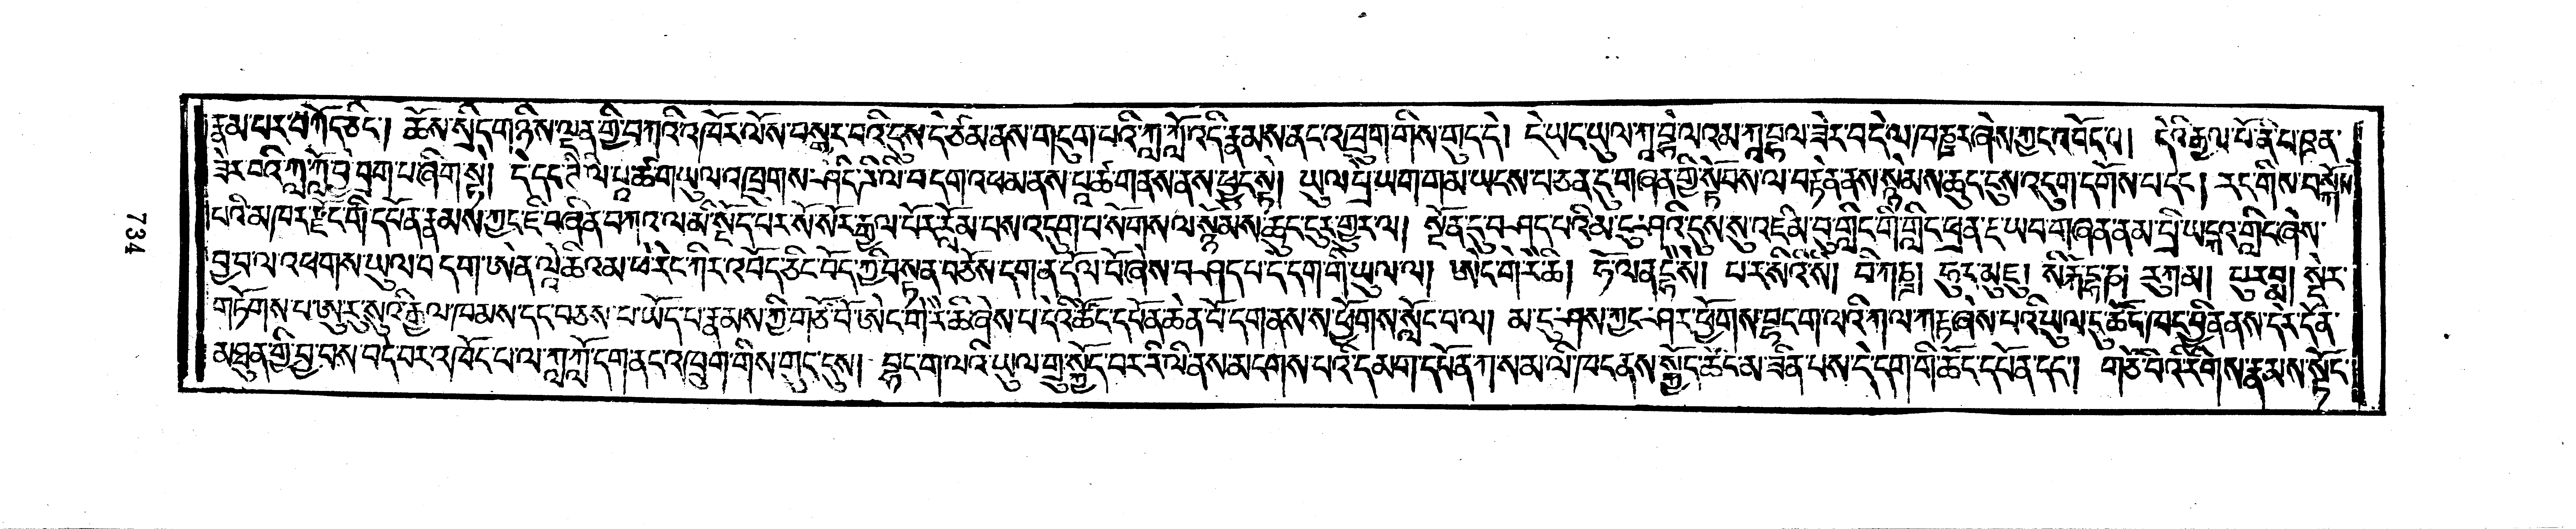རྣམ་པར་བཀོད་ཅིང་། ཆོས་སྲིད་གཉིས་ལྡན་གྱི་བཀའི་འཁོར་ལོས་བསྒྱུར་བའི་དུས་དེ་ཙམ་ནས་གདུག་པའི་ཀླ་ཀློ་འདི་རྣམས་ནང་འཁྲུག་གིས་གུད་དེ། དེ་ཡང་ཡུལ་ཀཱ་བྷེ་ལའམ་ཀཱ་བྷལ་ཟེར་བདེ་ལ་ཁཎྜར་ཞེས་ཀྱང་འབོད་པ། དེའི་རྒྱལ་པོ་ནི་པ་ཊཿཨན་
ཟེར་བའི་ཀླ་ཀློ་བྱེ་བྲག་པ་ཞིག་སྟེ། དེ་དང་ཊི་ལི་པཱ་ཚ་གཡུལ་འཁྲུགས་ཤིང་ཌི་ལི་བ་དག་འཕམ་ནས་པཱ་ཚ་གནས་ནས་ཕྱུང་སྟེ། ཡུལ་པྲེ་ཡག་གམ་ཡངས་པ་ཅན་དུ་གཞན་གྱི་སྟོབས་ལ་བརྟེན་ནས་སྙེམས་ཆུང་དུས་འདུག་དགོས་པ་དང་། རང་གིས་བསྐོས་
པའི་མཁར་རྫོང་གི་དཔོན་རྣམས་ཀྱང་ཇི་བཞིན་བཀའ་ལ་མི་སྡོད་པར་སོ་སོར་རྒྱལ་པོར་རློམ་པས་འདུག་པ་སོགས་ལ་སྙོམས་ཆུང་ངུར་གྱུར་ལ། སྔོན་དུ་བཤད་པའི་མ་ངུ་ཤའི་དུས་སུ་འཛམ་བུ་གླིང་གི་གླིང་ཕྲན་རྔ་ཡབ་གཞན་ནམ་པྲི་ཡངྐཱ་གླིང་ཞེས་
བྱ་བ་ལ་འཕགས་ཡུལ་བདག་ཨེན་ལE་ཆིའམ་ཕེ་རེང་ཀིར་འབོད་ཅིང་བོད་ཀྱི་བསྟན་བཅོས་དག་ན་དོལ་བོ་ཞེས་བཤད་པ་དེ་དག་གི་ཡུལ་ལ། ཨེང་གེ་རཻ་ཆི། ཧོ་ལནྡྷཻ་སེ། པ་ར་སིའི་སི། བི་ཀཎྜ། ཧུར་མུཇུ། སིརྐོ་དྷ་ཎ། རུཀ་མ། པུརབྨ། སྡེར་
གཏོགས་པ་ཨུ་རུ་སུའི་རྒྱལ་ཁམས་དང་བཅས་པ་ཡོད་པ་རྣམས་ཀྱི་གཙོ་བོ་ཨེང་གེ་རཻ་ཆི་ཞེས་པ་དེའི་ཚོད་དཔོན་ཆེན་པོ་དག་ནས་ས་ཕྱོགས་སློང་བ་ལ། མ་དུ་ཤས་ཀྱང་ཤར་ཕྱོགས་བྷང་ག་ལའི་ཀ་ལ་ཀརྟ་ཞེས་པའི་ཡུལ་དུ་ཚོང་ཁང་བྱིན་ནས་དེར་དོན་
མཐུན་གྱི་བྱ་བས་བདེ་བར་འཁོང་པ་ལ་ཀླ་ཀློ་དག་ནང་འཁྲུག་གིས་གུང་དུས། བྷང་ག་ལའི་ཡུལ་གྲུ་སྐྱོད་བར་རི་ལི་ནས་མངགས་པའི་དམག་དཔོན་ཀ་སམ་ལི་ཁང་ནས་སྐྱོད་ཚེད་མ་ཟིན་པས་དེ་དག་གི་ཆོད་དཔོན་དང་། གཙོ་བིའི?་རིགས་རྣམས་སྟོང་